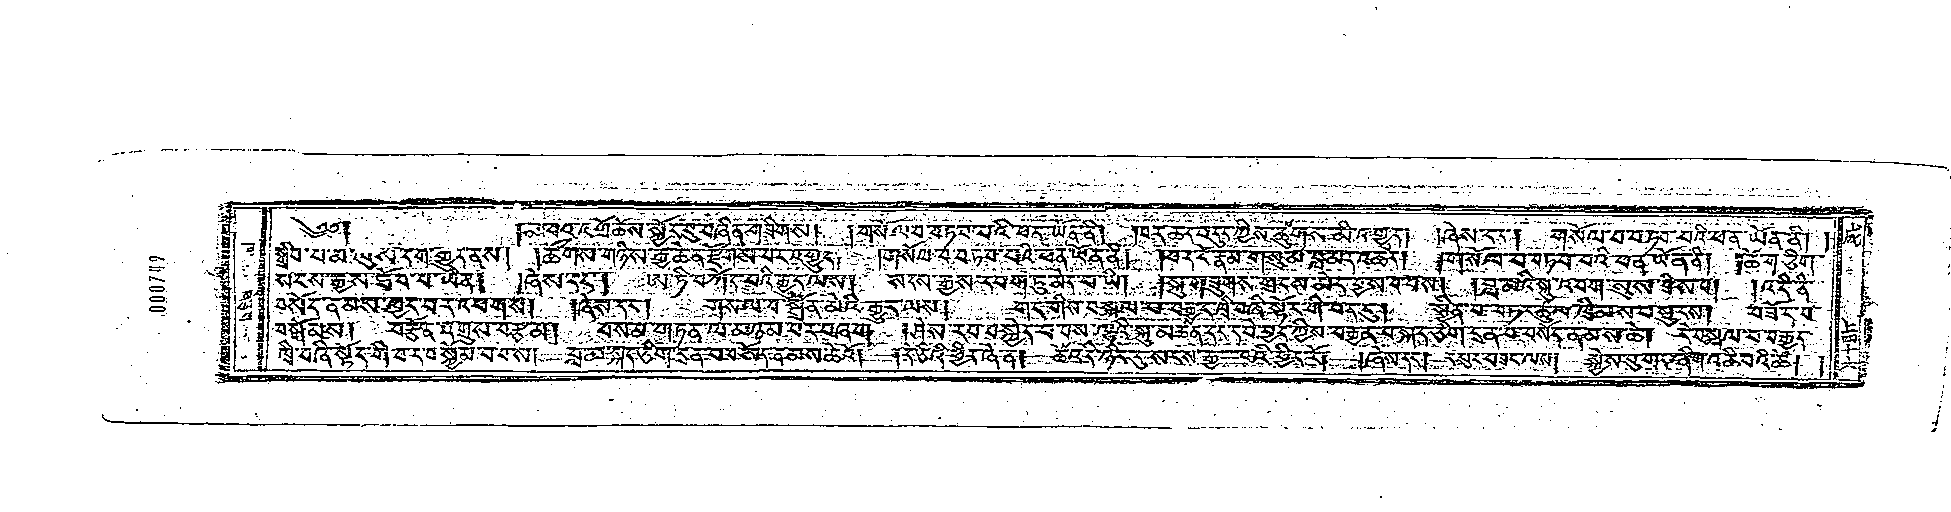༄༅། །མཁའ་འགྲོ་ཆོས་སྐྱོང་བུ་བཞིན་གཟིགས། །གསོལ་བ་བཏབ་པའི་ཕན་ཡོན་ནི། །བར་ཆད་བདུད་ཀྱིས་ཚུགས་མི་འགྱུར། །ཞེས་དང་། གསོལ་བ་བཏབ་པའི་ཕན་ཡོན་ནི། །
སྒྲིབ་པ་མ་ལུས་དག་རྒྱུད་ནས། །ཚོགས་གཉིས་རྒྱ་ཆེན་རྫོགས་པར་འགྱུར། །གསོལ་བ་བཏབ་པའི་ཕན་ཡོན་ནི། །བར་དོ་རྣམ་གསུམ་བླ་མར་འཆར། །གསོལ་བ་བཏབ་པའི་ཕན་ཡོན་ནི། །ཚེ་གཅིག་
སངས་རྒྱས་ཐོབ་པ་ཡིན། །ཞེས་དང་། ཨ་ཏི་བཀོད་བའི་རྒྱུད་ལས། སངས་རྒྱས་དཔག་ཏུ་མེད་པ་ཡི། །སྐུ་གཟུགས་གྲངས་མེད་བྱས་པ་བས། །བླ་མའི་སྐུ་འབག་སུས་བྲིས་བ། །འདི་ནི་
བསོད་ནམས་ཁྱད་བར་འཕགས། །ཞེས་དང་། གསལ་བ་སྒྲོན་མེའི་རྒྱུད་ལས། གང་གིས་བསྐལ་བ་བརྒྱུད་ཁྲི་བཞི་སྟོང་གི་བར་དུ། སྦྱིན་བ་བཏང་ཚུལ་ཁྲིམས་པ་སྤུངས། བཟོད་པ་
བསྒོམས། བརྩོན་འགྲུས་བརྩམ། བསམ་གཏན་ལ་མཉམ་པར་བཞག །ཤེས་རབ་བསྐྱེད་པ་བས་ལྷའི་སྐུ་མཚན་དང་དཔེ་བྱད་ཀྱིས་བརྒྱན་པ་སྐད་ཅིག་དྲན་པ་བསོད་ནམས་ཆེ། དེ་བསྐལ་བ་བརྒྱད་
ཁྲི་བཞི་སྟོང་གི་བར་བསྐྱོམ་བ་བས། བླ་མ་སྐད་ཅིག་དྲན་པ་བསོད་ནམས་ཆེའོ། །དེ་ཅིའི་ཕྱིར་ཞེ་ན། ཚེ་འདི་ཉིད་དུ་སངས་རྒྱས་བའི་ཕྱིར་རོ། །ཞེས་དང་། དཔུང་བཟང་ལས། སྐྱེས་བུ་གང་ཞིག་འཆི་བའི་ཚེ། །